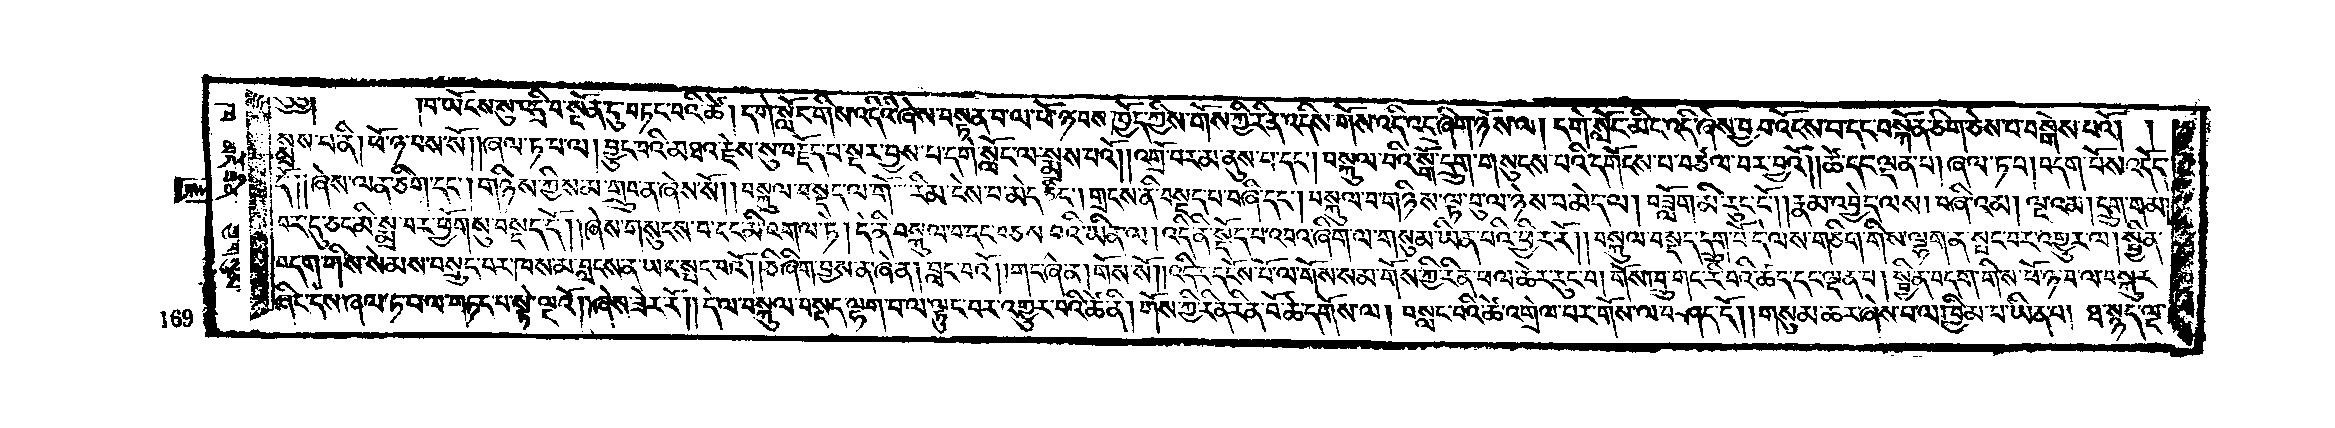༄༅། །བ་ཡོངས་སུ་འདྲི་བ་སྔོན་དུ་བཏང་བའི་ཚེ། དགེ་སློང་གིས་འདིའི་ཞེས་བསྟན་པ་ལ་ཕོ་ཉ་བས་ཁྱོད་ཀྱིས་གོས་ཀྱི་རིན་འདིས་གོས་འདི་འདྲ་ཞིག་ཉོས་ལ། དགེ་སློང་མིང་འདི་ཞེས་བྱ་བ་འོངས་པ་དང་བསྐོན་ཅིག་ཅེས་པ་བསྒེས་པའོ། །
སྨྲས་པ་ནི། ཕོ་ཉ་བས་སོ། །ཞལ་ཏ་པ་ལ། བྱུང་བའི་མཐའ་རྗེས་སུ་བརྗོད་པ་སྔར་བྱས་པ་དགེ་སློང་ལ་སྨྲས་པའོ། །འགྲོ་བར་མ་ནུས་པ་དང་། བསྐུལ་བའི་སྒོ་དྲུག་གསུངས་པའི་དགོངས་པ་བཙལ་བར་བྱའོ། །ཚེ་དང་ལྡན་པ། ཞལ་ཏ་པ། བདག་པོས་འདོད་
དོ༑ ༑ཞེས་ལན་ཅིག་དང་། གཉིས་ཀྱིས་མ་གྲུབ་ན་ཞེས་སོ། །བསྐུལ་བསྡད་ལ་གོ་རིམ་ངེས་པ་མེད་ཅིང་། གྲངས་ནི་བསྡད་པ་བཞི་དང་། བསྐུལ་བ་གཉིས་ལྟ་བུ་ལ་ཉེས་པ་མེད་ལ། བཟློག་མི་རུང་ངོ། །རྣམ་འབྱེད་ལས། བཞི་འམ། ལྔ་འམ། དྲུག་གམ།
བར་དུ་ཅང་མི་སྨྲ་བར་ཕྱོགས་སུ་བསྡད་དོ། །ཞེས་གསུངས་པ་དང་མི་འགལ་ཏེ། དེ་ནི་བསྐུལ་བ་དང་བཅས་པའི་ཡིན་ལ། འདི་ནི་སྡོད་པ་འབའ་ཞིག་ལ་གསུམ་ཡིན་པའི་ཕྱིར་རོ། །བསྐུལ་བསྡད་དྲུག་པོ་དེ་ལས་གཅིག་གིས་ལྷག་ན་སྤང་བར་འགྱུར་ལ། སྦྱིན་
བདག་གིས་སེམས་བསྲུང་བར་ཁས་མ་བླངས་ན་ཡང་སྤང་བའོ། །ཅི་ཞིག་བྱས་ན་ཞེ་ན། བླང་བའོ། །གང་ཞེ་ན། གོས་སོ། །འདིར་དངོས་པོ་ལ་གོས་སམ་གོས་ཀྱི་རིན་ཕལ་ཆེར་རུང་བ། གོས་ཁྲུ་གང་རི་བའི་ཚད་དང་ལྡན་པ། སྦྱིན་བདག་གིས་ཕོ་ཉ་བ་ལ་བསྐུར་
ཞིང་དེས་ཞལ་ཏ་བ་ལ་གཏང་པ་སྟེ་ལྔའོ། །ཞེས་ཟེར་རོ། །དེ་ལ་བསྐུལ་བསྡད་ལྷག་པ་ལ་ལྟུང་བར་འགྱུར་བའི་ཚེ་ནི། གོས་ཀྱི་རིན་རིན་པོ་ཆེ་དགོས་ལ། བསླང་བའི་ཚེ་འགྲེལ་པར་གོས་ལ་བཤད་དོ། །གསུམ་ཆར་ཞེས་པ་ལ་ཁྱིམ་པ་ཡིན་པ། ཐ་སྙད་ལྔ་